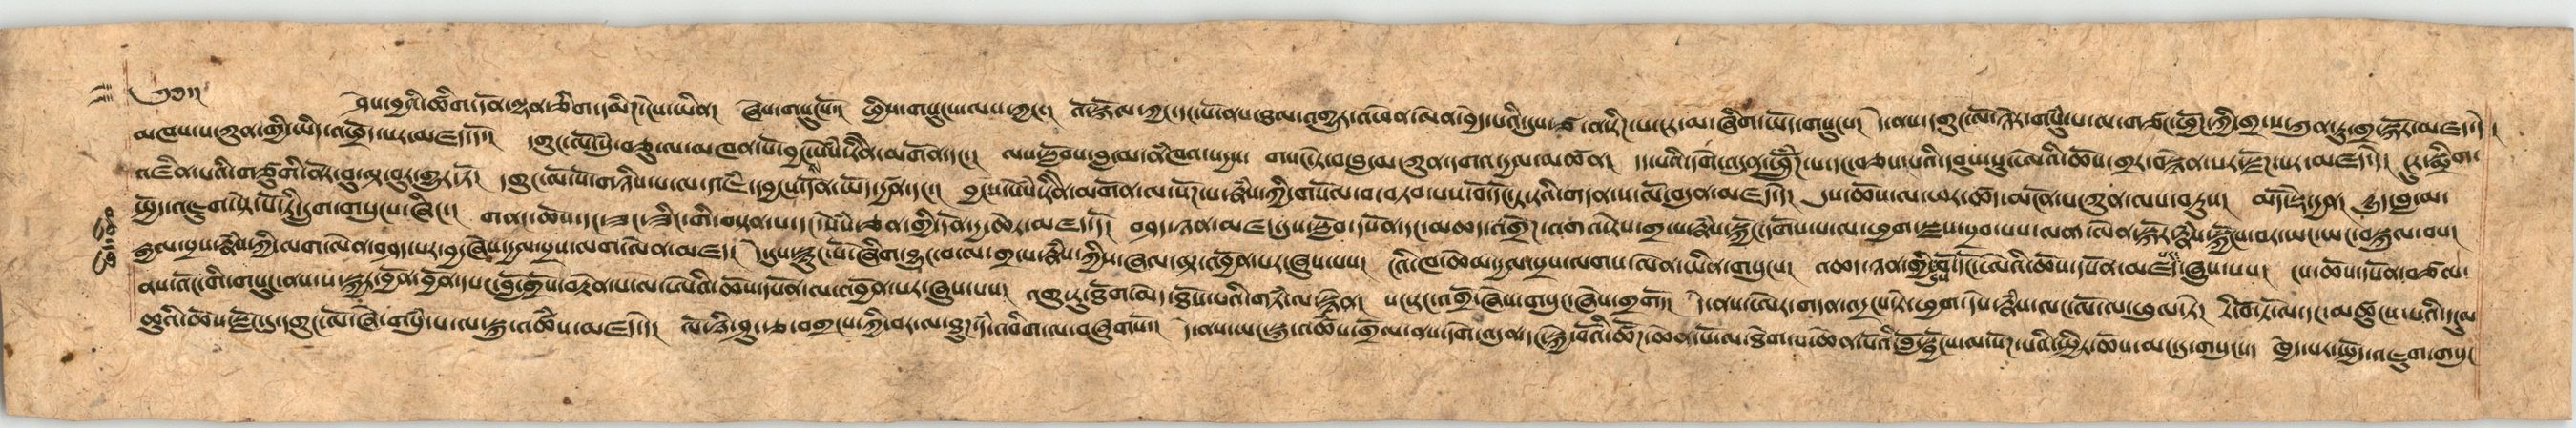༄༅་། ཤེས་བྱའི་ཚིག་དོན་ལྷན་ཅིག་དམིཌ་ངེས་ཡིན། ཞེས་གསུངསོ། ཕྱིས་གསུངས་ལས་ཀྱང་། འོ་སྐོལ་ཀྱང་དང་པོ་ནས་ཐལ་འགྱུར་འཕེན་ལེན་བྱེད་པའི་དུས་ཙ་ན་རིཌ་པ་ངར་མ་ཞིག་ཡོད་གསུངས། དེ་ནས་དགུང་ལོ་ཉེར་གསུཾ་པ་ལ་གཙང་ཕྱོཌ་ཀྱི་གྲ་པ་ཀུན་ཏུ་གྲ་སྐོར་མཛད་དེ་
མཁས་པ་ཀུན་གྱི་ཡིད་འཕྲོད་པར་མཛད་དོ། དགུང་ལོ་སུཾ་བཅུ་ལ་མཁན་པོ་བྱང་སེཾས་རིེན་མགོན་དང་། ལས་སློབས་བླ་མ་ནཾམཁའ་སདྱས་ གསང་ཏེ་བ་བླ་མ་ཀུན་དགའ་དྱལ་མཚན། དད་པའི་དགེ་འདུན་ཕྲོུཾཌ་པ་དང་བཅས་པའི་དབུས་སུ་ཨེའི་ཆོས་གྲར་བསྙེན་པར་སྫོཌ་པར་མཛད་དེ། ངུར་སྨྲིག་
འཛིན་པའི་གཙུགི་ནོར་བུ་ལྟ་བུར་གྱུར་ཏོ། དགུང་ལོ་སོ་གཉིས་པ་ལ་འཇཾ་དབྱངས་དོན་ཡོད་དྱཚན་དང་། བྱངས་སེཾས་རིེན་མགོན་་ལ་སོཌ་པ་རྣཾས་ཀྱི་གསོལ་བ་བཏབ་པས་བོ་དོང་ཏ་རའི་གདན་ས་ལོ་བདུན་མཛད་དོ། དུས་ཆོས་ལ་ཕར་ཚད་མངོན་པ་ཀུན་ལས་བཏུས། མདོ་སྡེ་དྱན། དྱུད་བླ་མ་
སྤྱོད་འཇུག་སྟེ་པོ་ཏི་དྲུག་གསུངས་ཤིང་། གནང་ཆོས་དང་ཟང་ཟིང་གི་བསྟན་པ་དང་སེཾས་ཅན་གྱི་དོན་དྱ་ཆེར་མཛད་དོ། བཤད་ཉན་མཛད་དུས་སློབ་དཔོན་དང་མཆད་འགྲོཌ་འགའ་རེས་གྲ་པ་རྣཾས་སྐྱོང་དགོས་པ་ལ་ཕྱག་སྫས་སྲབ་པས་ལག་ལེན་སྐོར་རྣཾས་སྐྱོངས་བར་ཡང་ཡང་བསྐུལ་བས།
རྒྱལ་སྲས་རྣཾས་ཀྱི་ལག་ལེན་བཤད་པར་བྱ་ཞེས་དྱལ་སྲས་ལག་ལེན་མཛད། དེ་དུས་སྙུང་པོ་ཞིག་བྱུང་བ་ལ་གྲྭ་པ་རྣཾས་ཀྱིས་ཞལ་ལྟ་འབྱོན་པར་ཞུས་པས། ངའི་ཁ་ཆེམ་དྱལ་སྲས་ལགས་ལེན་ཡིན་གསུངས། འཆད་ཉན་གྱི་དུས་བོ་དོང་ཨེའི་ཆོས་དཔོན་མཛད་པར་ཞུས་པས། ངས་ཆོས་དཔོན་བཙལ་
ནས་འོང་གི་གསུངས་ནས་ས་སྐྱར་བྱོན་ཏེ་དཔང་བློ་གྲོས་བརྟེན་པ་ལ་ཨེའི་ཆོས་དཔོན་ལ་འབྱོན་པར་ཞུས་པས། གུ་རུ་ཐོག་མེད་ཐོས་པའི་གཏཾ་ལ་སྙེན། སང་རང་འགྲོ་ཞེས་གསུང་ཞེས་གྲགོ་། དེ་ནས་ཨེར་གདན་འདྲངས་ཏེ་ཕྱག་དཔེ་རྣཾས་ལང་ལོ་ལ་ཕུལ་ཏེ། རི་བོ་ཏ་ལོ་དང་མཚུངས་པའི་དངུལ
ཆུའི་ཆོས་སྫོང་དུ་དགུང་ལོ་ཞེ་གསུཾ་པ་ལ་སྐུ་འཚཾས་མཛད་དེ། ལོ་ཉི་ཤུ་རྩ་བགྲངས་ཀྱི་བར་ལ་ཐུཌ་དཾ་འབིག་ལ་བཞུགསོ་། དེ་ནས་ཡང་སྐུ་འཚཾས་གྲོལ་ནས་དགེ་འདུན་དང་སྐྱེ་བོའི་ཚོཌ་ཆེན་པོ་ལ་ཐེག་པ་ཆེན་པོའི་བློ་སྦྱོངས་ལ་སོཌ་པའི་སྤྱིར་ཆོས་མང་དུ་གསུངས། ཁྱེད་པར་སྤྱོད་འཇུག་གསུང་